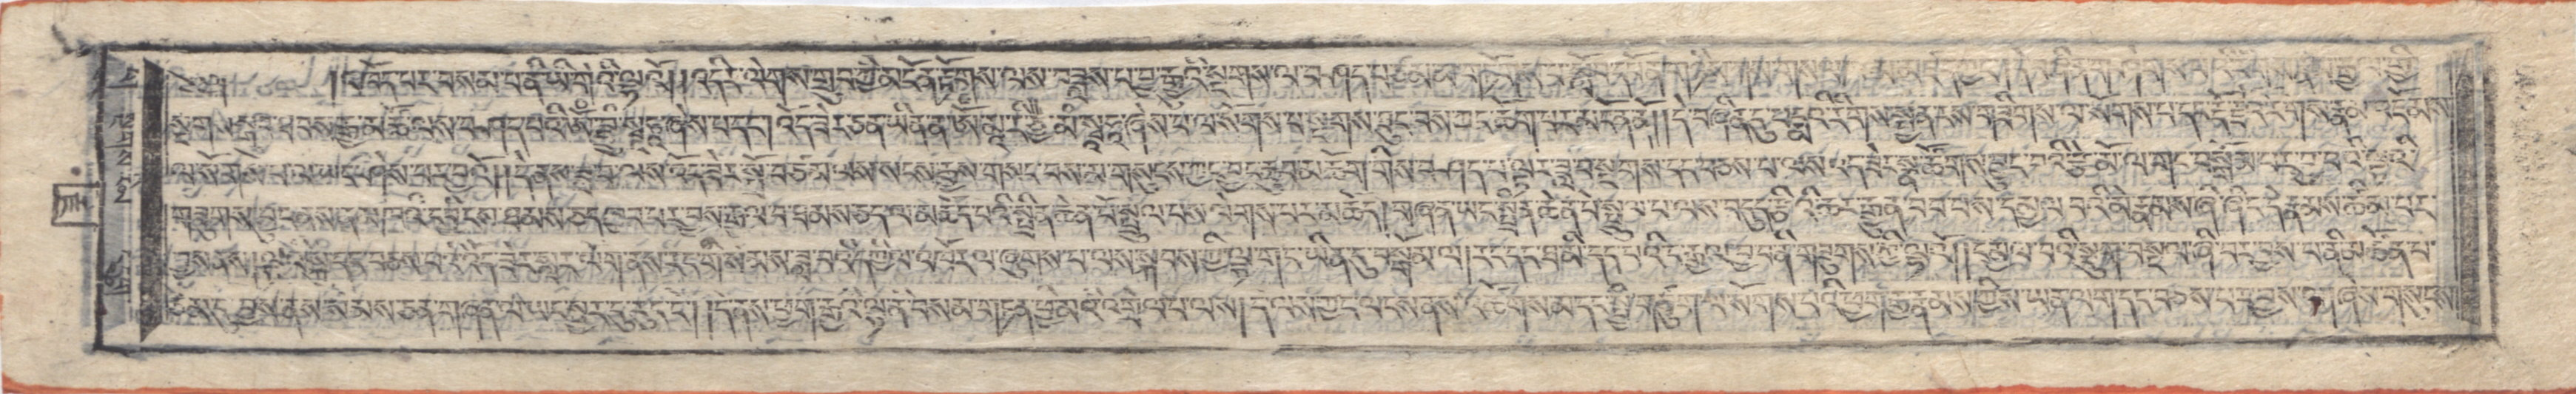༄༅། །འཁོད་པར་བསམ་པ་ནི་ཡི་གེའི་ལྷའོ། །འདིར་ལེགས་གྲུབ་ཀྱི་མངོན་རྟོགས་ལས་བཟླས་པ་བྱ་རྒྱུའི་སྔགས་ལ་བཤད་པ་ཙམ་མ་གཏོགས་པ་སློབ་དཔོན་གཉིས་ཀས་གསལ་ཁ་མ་མཛད་ཀྱང་། དེ་བཞིན་གཤེགས་པའི་རིགས་རྣམ་རྒྱལ་གྱི་
སྔགས་སྒྲུབ་ཐབས་རྒྱ་མཚོ་ལས་བཤད་པའི་ཨོཾ་བྷྲུཾ་སྭཱཧཱ་ཞེས་པ་དང་། འོད་ཟེར་ཅན་ཡིན་ན་ཨོཾ་མཱ་རི་ཙྱཻ་མཾ་སྭཱ་ཧཱ་ཞེས་པ་ལ་སོགས་པ་སྔགས་ཐུང་བས་ཀྱང་ཆོག་པར་མངོན་ནོ། །དེ་བཞིན་དུ་པདམའི་རིགས་སྤྱན་རས་གཟིགས་ལ་སོགས་པ་དང་རྡོ་རྗེའི་རིགས་རྣམ་འཇོམས་
ལ་སོགས་པ་ལ་ཡང་ཤེས་པར་བྱའོ། །དེ་ནས་ཟླ་བ་ལས་འོད་ཟེར་སྤྲོ་བ་ཙམ་ལས་སངས་རྒྱས་གསང་བས་མ་གསུངས་ཀྱང་བྱང་ཆུབ་མཆོག་གིས་བཤད་པ་ལྟར་ཟླ་བ་སྔགས་དང་བཅས་པ་ལས་འོད་ཟེར་སྣ་ཚོགས་བྱུང་བའི་རྩེ་མོ་ལ་གང་བསྒོམ་པར་བྱ་བའི་ལྷའི་
གཟུགས་བྱུང་ནས་ནམ་མཁའི་དབྱིངས་ཐམས་ཅད་ཁྱབ་པར་བྱས་རྒྱལ་བ་ཐམས་ཅད་ལ་མཆོད་པའི་སྤྲིན་ཆེན་པོ་སྤྲུལ་པས་ལེགས་པར་མཆོད། གཞན་ཡང་སྤྲིན་ཆེན་པོ་སྤྲུལ་པ་ལས་བདུད་རྩིའི་ཆར་རྒྱུན་བབ་པས་དམྱལ་བའི་མེ་རྣམས་ཞི་ཞིང་དེ་རྣམས་ཚིམ་པར་
བྱས་ནས། ལྷའི་སྐུ་དང་བཅས་པའི་འོད་ཟེར་སླར་ལོག་ནས་རང་གི་སེམས་ཟླ་བའི་དཀྱིལ་འཁོར་ལ་ཞུགས་པ་ལས་སྐབས་ཀྱི་ལྷ་གང་ཡིན་དུ་བསྒོམ་ལ། རང་དང་ཐ་མི་དད་པའི་ང་རྒྱལ་བྱ་བ་ནི་གཟུགས་ཀྱི་ལྷའོ། །དམྱལ་བའི་སྡུག་བསྔལ་ཞི་བར་བྱས་པ་ནི་མཚོན་པ་
ཙམ་དུ་བྱས་ནས་སེམས་ཅན་གཞན་ལ་ཡང་སྦྱར་དུ་རུང་ངོ། །དེ་ནས་ཕྱག་རྒྱའི་ལྷ་ནི་བསམ་གཏན་ཕྱི་མའི་འགྲེལ་པ་ལས། དེ་ལས་ཀྱང་ལངས་ནས་འཚོགས་མ་དང་སྤྱི་གཙུག་ལ་སོགས་པའི་ཕྱག་རྒྱ་རྣམས་ཀྱིས་ཡན་ལག་དང་བཅས་པར་བྱས་ལ། ཞེས་གསུངས་